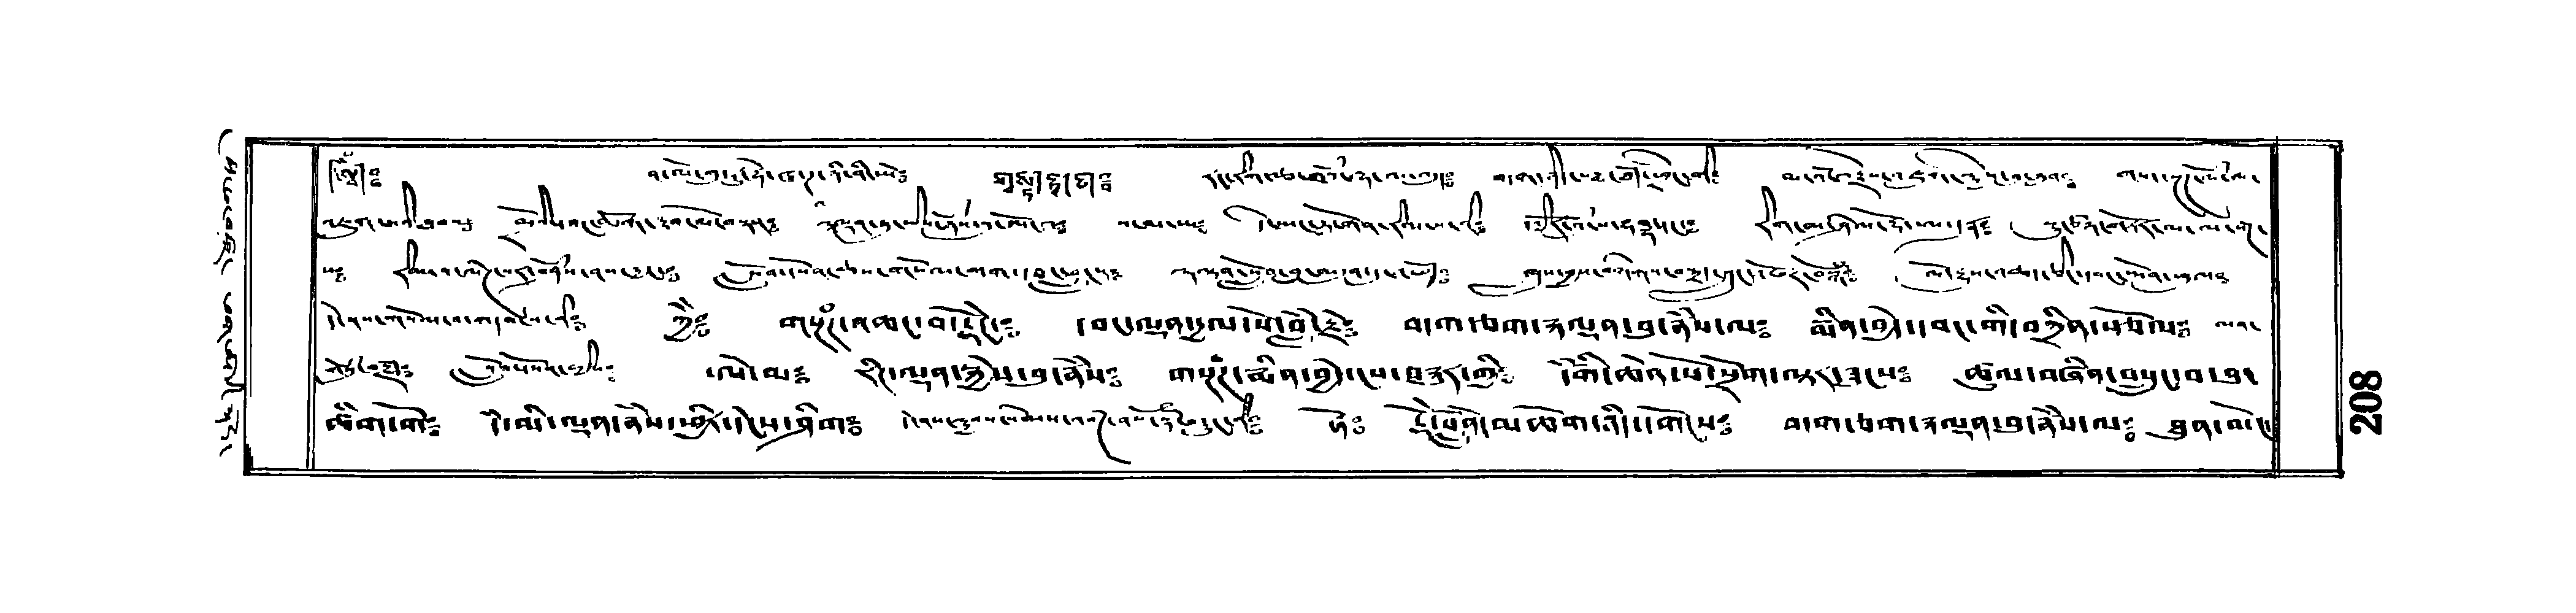ན་མོ་གུ་རུ་དྷེ་ཝ་ཌཱ་ཀི་ནི་ཡེ༔ རང་རིག་རྩ་གསུམ་ལྷ་ལ་འདུད༔ བདག་ཉིད་པདྨ་ཐོད་ཕྲེང་གི༔ མ་འོངས་རྗེས་འཇུག་སྐྱེས་བུ་ཀུན༔ གསང་སྔགས་ལམ་ལ་
འཇུག་པའི་ཐབས༔ མཁའ་འགྲོའི་དབང་ཆོག་ཟབ་མོ་བསྟན༔ སྐལ་ལྡན་བུ་ཡིས་ཉམས་སུ་ལོངས༔ ས་མ་ཡ༔ དེ་ཡང་སྟ་གོན་རིམ་པ་ནི༔ དཀྱིལ་འཁོར་བུམ་པ་བྷནྡྷ་དང༔ རིག་མ་ཤེལ་རྡོ་ཨ་དརྴ༔ སྐུ་ཙཀ་གཏོར་མ་ལ་སོགས་
པ༔ རིམ་པ་ལེགས་པར་བཤམས་ནས་ཀྱང༔ སློབ་དཔོན་ཆས་གསོལ་བདག་དབང་བླངས༔ སྐལ་ལྡན་སློབ་བུ་མདུན་དུ་འཁོད༔ ཁྲུས་བྱས་བགེགས་བསྐྲད་སྲུང་འཁོར་བསྒོམ༔ ལོ་རྒྱུས་འཆད་ཅིང་དབང་ཡོན་ཕུལ༔ 
དེ་ནས་གསོལ་བ་གདབ་པ་ནི༔ ཀྱཻ༔ གསང་སྔགས་འཆང་བ་རྡོ་རྗེ་འཆང༔ དབང་ལྡན་རྒྱལ་པོ་བླ་མ་རྗེ༔ བདག་ཅག་སྐལ་ལྡན་བུ་རྣམས་ལ༔ སྨིན་བྱེད་དབང་གི་བཀའ་དྲིན་སྩོལ༔ ལན་
གསུམ་བརྗོད༔ སློབ་དཔོན་གྱིས༔ ཨེ་མ༔ རིགས་ལྡན་སྐྱེས་བུ་རྣམས༔ གསང་སྔགས་སྨིན་བྱེད་ངས་བསྐུར་གྱི༔ དམ་ཚིག་ཆེན་པོ་སྲོག་ལྟར་ཟུངས༔ ཚུལ་བཞིན་བསྲུང་བ་ཐ་
ཚིག་གོ༔ དམ་མི་ལྡན་རྣམས་ཕྱིར་དེངས་ཤིག༔ དེ་ནས་སྐྱབས་སེམས་འབོགས་ནས་སྡོམ་བཟུང་ནི༔ ཧོཿ རྡོ་རྗེ་སློབ་དཔོན་མཆོག་ཉིད་དགོངས༔ བདག་ཅག་སྐལ་ལྡན་བུ་རྣམས་ལ༔ ཐུན་མོང་